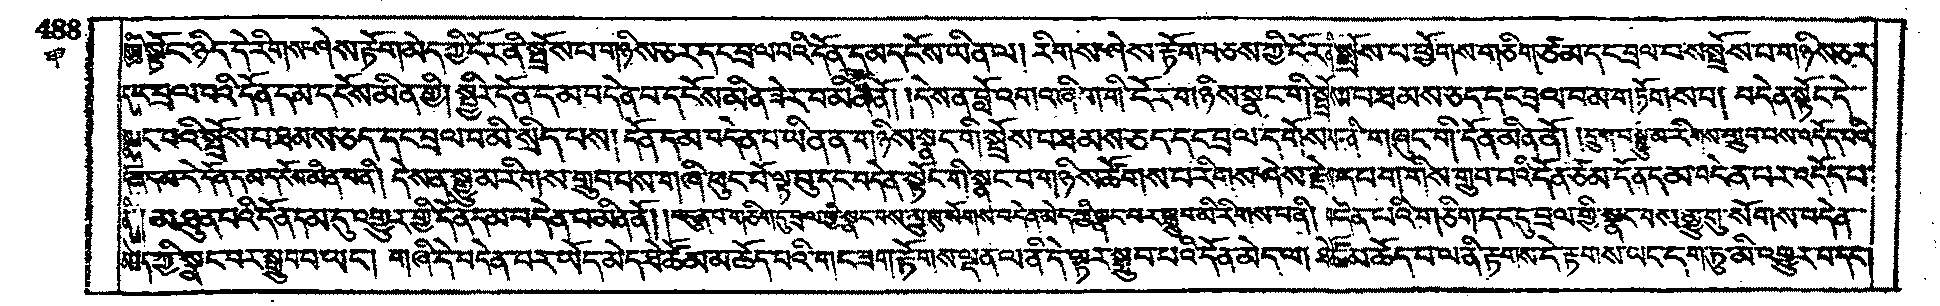གྱི་སྟོང་ཉིད་དེ་རིགས་ཤེས་རྟོག་མེད་ཀྱི་ངོར་ནི་སྤྲོས་པ་གཉིས་ཅར་དང་བྲལ་བའི་དོན་དམ་དངོས་ཡིན་ལ། རིགས་ཤེས་རྟོག་བཅས་ཀྱི་ངོར་ནི་སྤྲོས་པ་ཕྱོགས་གཅིག་ཙམ་དང་བྲལ་བས་སྤྲོས་པ་གཉིས་ཅར་
དང་བྲལ་བའི་དོན་དམ་དངོས་མིན་གྱི། སྤྱིར་དོན་དམ་བདེན་པ་དངོས་མིན་ཟེར་བ་མིན་ནོ། །དེས་ན་བློ་འགའ་ཞིག་གི་ངོར་གཉིས་སྣང་གི་སྤྲོས་པ་ཐམས་ཅད་དང་བྲལ་བ་མ་གཏོགས་པ། བདེན་སྟོང་དེ་
སྣང་བའི་སྤྲོས་པ་ཐམས་ཅད་དང་བྲལ་བ་མི་སྲིད་པས། དོན་དམ་བདེན་པ་ཡིན་ན་གཉིས་སྣང་གི་སྤྲོས་པ་ཐམས་ཅད་དང་བྲལ་དགོས་པ་ནི་གཞུང་གི་དོན་མིན་ནོ། །དྲུག་པ་སྒྱུ་མ་རིགས་གྲུབ་པས་འདོད་པའི་
དོན་དམ་དེ་དོན་དམ་དངོས་མིན་པ་ནི། དེས་ན་སྒྱུ་མ་རིགས་གྲུབ་པས་གཞི་ཕུང་པོ་ལྟ་བུ་དང་བདེན་སྟོང་གི་སྣང་བ་གཉིས་ཚོགས་པ་རིགས་ཤེས་རྗེས་དཔག་གིས་གྲུབ་པའི་དོན་ཙམ་དོན་དམ་བདེན་པར་འདོད་པ་
ནི། མཐུན་པའི་དོན་དམ་དུ་འགྱུར་གྱི་དོན་དམ་བདེན་པ་མིན་ནོ། །བདུན་པ་གཅིག་དུ་བྲལ་གྱི་སྣང་བས་མྱུ་གུ་སོགས་བདེན་མེད་ཀྱིས་སྣང་བར་སྒྲུབ་མི་རིགས་པ་ནི། བདེན་པའི་གཅིག་དང་དུ་བྲལ་གྱི་སྣང་བས་མྱུ་གུ་སོགས་བདེན་
མེད་ཀྱི་སྣང་བར་སྒྲུབ་པ་ཡང་། གཞི་དེ་བདེན་པར་ཡོད་མེད་ཐེ་ཚོམ་མ་ཆོད་པའི་གང་ཟག་རྟོགས་ལྡན་ལ་ནི་དེ་ལྟར་སྒྲུབ་པའི་དོན་མེད་ལ། ཐེ་ཚོམ་ཆོད་པ་ལ་ནི་རྟགས་དེ་རྟགས་ཡང་དག་ཏུ་མི་འགྱུར་བ་དང་།